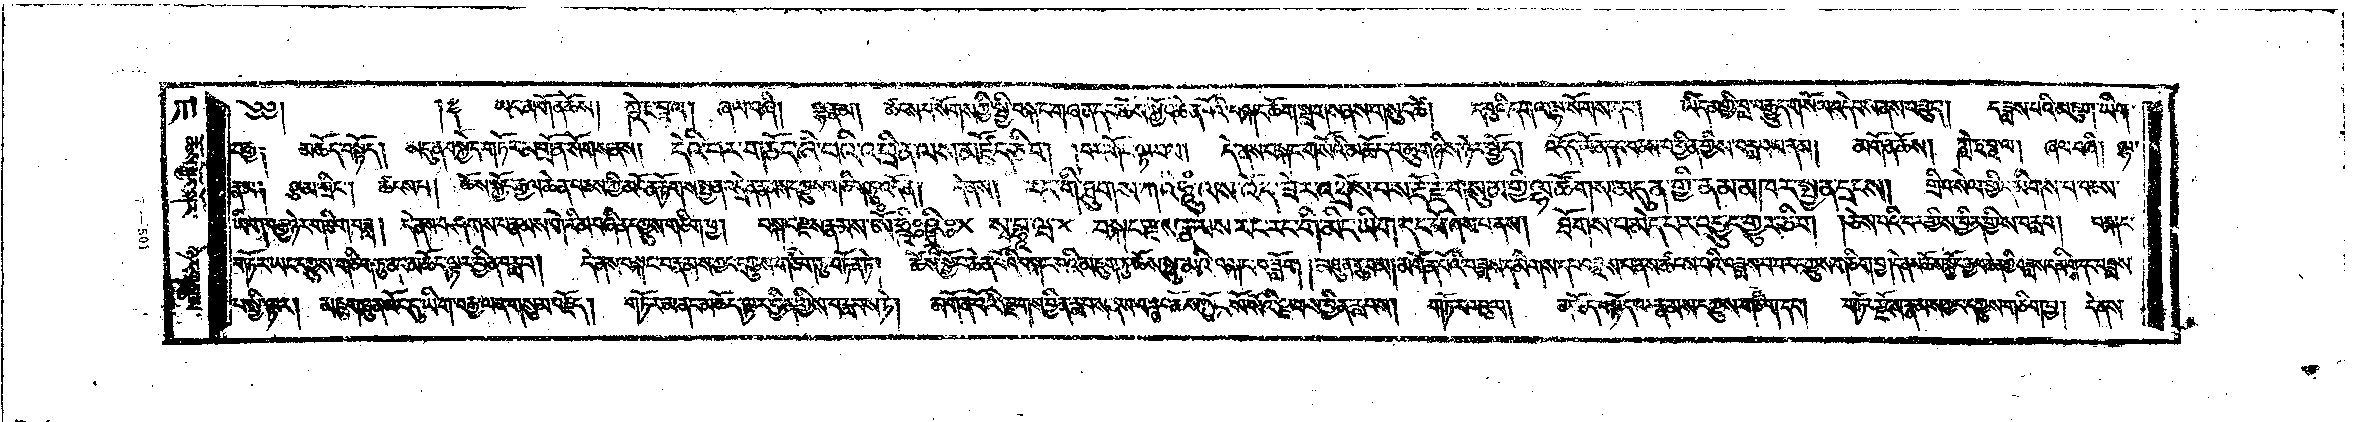༄༅། །༈ ཡང་མགོན་ཆོས། ཀྵྟེ་ཏྲ་གཱ་ལ། ཞལ་བཞི། ལྷ་རྣམ། ཚངས་པ་སོགས་ཀྱི་སྤྱི་བསྐང་གཞན་དང་ཆོས་སྐྱོང་ཆེན་པོའི་བསྐང་ཆོག་སྦྲགས་ནས་གསུང་ཚེ། དབུའི་དགའ་ལྷ་སོགས་དང་། ཡི་དམ་གྱི་བླ་བརྒྱུད་གསོལ་འདེབས་ནས་བཟུང་། བཟླས་པའི་མཇུག་ཡིག་
བརྒྱ༑ མཆོད་བསྟོད། མདུན་བསྐྱེད་གཏོར་མགྲོན་སོགས་ནས། དེའི་བར་གཅོད་ཞི་བའི་འཕྲིན་ལས་མཛོད་ཅིག །བར་གོང་ལྟར་ལ། དེ་ནས་བསྐང་གསོའི་མཆོད་པ་ཆུ་གཉིས་ཉེར་སྤྱོད། འདོད་ཡོན་དང་བཅས་པ་བྱིན་གྱིས་བརླབས་ནས། མགོན་ཆོས། ཀྵེ་ཏྲ་བཱ་ལ། ཞལ་བཞི། ལྷ་
རྣམ༑ ལྕམ་སྲིད། ཚངས་པ། ཆོས་སྐྱོང་རྒྱལ་ཆེན་བཅས་ཀྱི་མངོན་རྟོགས་སྤྱན་འདྲེན་རྣམས་དཀྱུས་གཅིག་ཏུ་འདོན། དེ་ནས། རང་གི་ཐུགས་ཀའི་ཧཱུཾ་ལས་འོད་ཟེར་འཕྲོས་པས་རྡོ་རྗེ་གསུམ་གྱི་ལྷ་ཚོགས་མདུན་གྱི་ནམ་མཁར་སྤྱན་དྲངས། གྲིབ་སེལ་གྱི་དམིགས་པ་བཅས་
ཡིག་བརྒྱ་ཉེར་གཅིག་བཟླ། དེ་ནས་བཤགས་པ་རྣམས་གེ་རིམ་བཞིན་དཀྱུས་གཅིག་བྱ། བསྐང་རྫས་རྣམས་ཨོཾ་ཧྲཱིཿཥྚྲཱིཿ ྾་སྭབྷཱ་ཝ་྾་བསྐང་རྫས་རྣམས་རང་རང་གི་མིང་ཡིག་དང་པོ་ཞེས་པ་ནས།  ཐོགས་པ་མེད་པར་འབྱུང་གྱུར་ཅིག །ཅེས་པའི་བར་གྱིས་བྱིན་གྱིས་བརླབ། བསྐང་
གཏོར་ཡང་དཀྱུས་གཅིག་ཏུ་ནང་མཆོད་ལྟར་བྱིན་བརླབ། དེ་ནས་བསྐང་བ་རྣམས་ཀྱང་དཀྱུས་གཅིག་ཏུ་བཏོན་ཏེ། ཆོས་སྐྱོང་ཆེན་པོའི་བསྐང་པའི་མཇུག་ཏུ་ཆོས་སྐུ་མའི་བསྐང་བཟློག །མཐུན་གྲུབ་མ། མགོན་པོའི་བཟླས་དམིགས་དང་བཟླས་ཕ་ནས་ཚངས་པའི་བཟླས་པ་བར་དཀྱུས་གཅིག་བྱ་།དེ་ནས་ཆོས་སྐྱོང་རྒྱལ་ཆེན་གྱི་བཟླས་དམིགས་དང་བཟླས་
པ་སྤྱི་ལྟར། མཇུག་ཐུན་མོང་དུ་ཡིག་བརྒྱ་ལན་གསུམ་བརྗོད། གཏོར་མ་ནང་མཆོད་ལྟར་བྱིན་གྱིས་བརླབས་ཏེ། མགོན་པོའི་ལྗགས་བྱིན་རླབས་ནས་བཟུང་ཆོས་སྐྱོང་སོ་སོའི་ལྗགས་བྱིན་རླབས། གཏོར་འབུལ། མཆོད་བསྟོད་པར་རྣམས་དཀྱུས་གཅིག་དང་། གཏོར་རྫོངས་རྣམས་ཀྱང་དཀྱུས་གཅིག་བྱ། དེ་ནས་